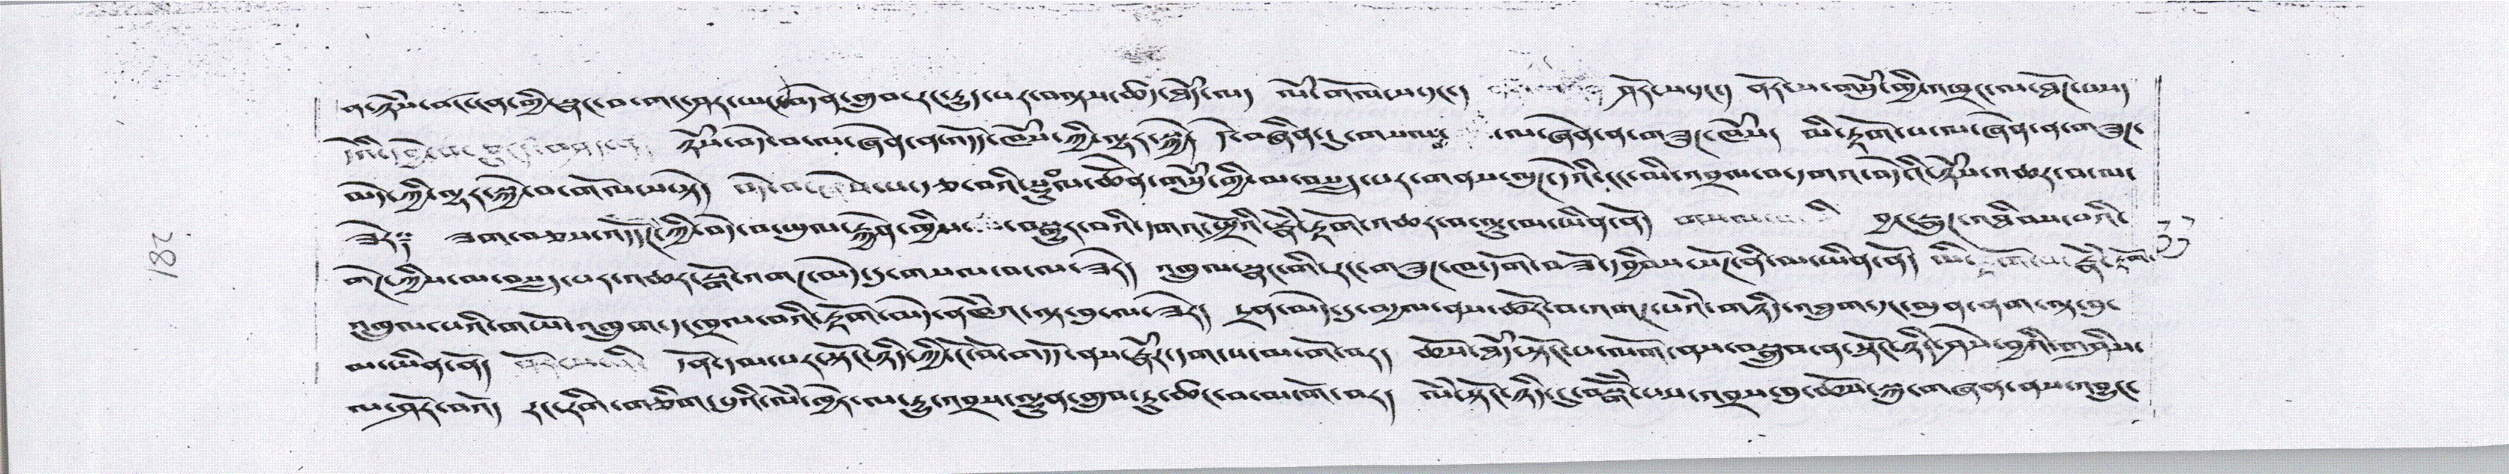ན་ཉམས་བཟང་ངན་གྱི་སྣང་བ་གང་ཤར་ཡང་བདེན་གྲུབ་རང་རྒྱུད་པར་བལྟས་ཚད་ཐམས་ཅད་ལ། ལམ་གོལ་ས་དང། ཤོར་ས་དང། ནོར་ས་གསུམ་གྱི་འཕྲང་ལ་ཐོགས་པས། 
དེའི་དབྱེ་བ་ཅུང་ཟད་བཤད་ན། ཉམས་བདེ་བ་ལ་ཞེན་ན་འདོད་ཁམས་ཀྱི་ལྷར་སྐྱེད། དེ་བཞིན་དུ་གསལ་བ་ལ་ཞེན་ན་གཟུགས་ཁམས། མི་རྟོག་པ་ལ་ཞེན་ན་གཟུགས་
མེད་ཀྱི་ལྷར་སྐྱེ་བ་གོལ་ས་སྟེ། བདེ་བ་ཞེས་པ་རྩ་བའི་སྡུག་བསྔལ་ཆེན་པོ་གསུམ་གྱི་མ་བསླད་པར་གནས་ལུགས་དེའི་ངང་མི་འབྲལ་བ་དགའ་བདེའི་ཉམས་འཆར་བ་ལ་
ཟེར། ཟག་བཅས་འདོད་ཆགས་ཀྱི་བདེ་བ་ཡུལ་རྐྱེན་གྱིས་མ་བསྒྱུར་བའི་དགའ་སྤྲོའི་རྣམ་རྟོག་འཆྲ་བ་ལྟ་བུ་མ་ཡིན་ནོ། གསལ་བ་ནི། བྱིང་རྨུག་འཐིབས་པའི་
གེགས་ཀྱིས་མ་བསླད་པར་འཆར་སྒོ་འགགས་མེད་དུ་གསལ་བ་ལ་ཟེར། འཁྲུལ་སྣང་གི་རང་གཟུགས་ཁ་དོག་བཟོ་དབྱིབས་སོགས་ནི་མ་ཡིན་ནོ། མི་རྟོག་པ་རྣམ་རྟོག་
འཁྲུལ་པའི་གཡོ་འཁྲུག་དང་བྲལ་བའི་རྟོག་མེད་ནམ་མཁའ་ལྟ་བུ་ལ་ཟེར། དྲན་མེད་དུ་བརྒྱལ་ནས་ཚོར་བ་འགགས་པའམ་གཉིད་འཐུག་དང་མུན་ནག་ལྟ་བུ་
མ་ཡིན་ནོ། ཤོར་ས་ནི། དོན་དམ་པར་སྟོང་ཉིད་ཀྱི་ངོ་བོ་གདོད་ནས་རྣམ་པར་དག་པ་མ་གོ་བར། ཆོས་ཐམས་ཅད་སྟོང་པ་ལོག་ནས་བསྒྲུབ་ན་སྟོང་ཉིད་ཤེས་བྱའི་གཤིས་
ལ་ཤོར་བའོ། རང་རིག་གཅིག་པུའི་ལམ་ཁྱེར་ལ་རྒྱུ་འབྲས་ལྷུན་གྲུབ་ཏུ་ཚང་བ་མ་གོ་བར། ལམ་སྟོང་ཉིད་དུ་བསྒོམ་པས་འབྲས་བུ་ཆོས་སྐུ་གཞན་ནས་འབྱུང་